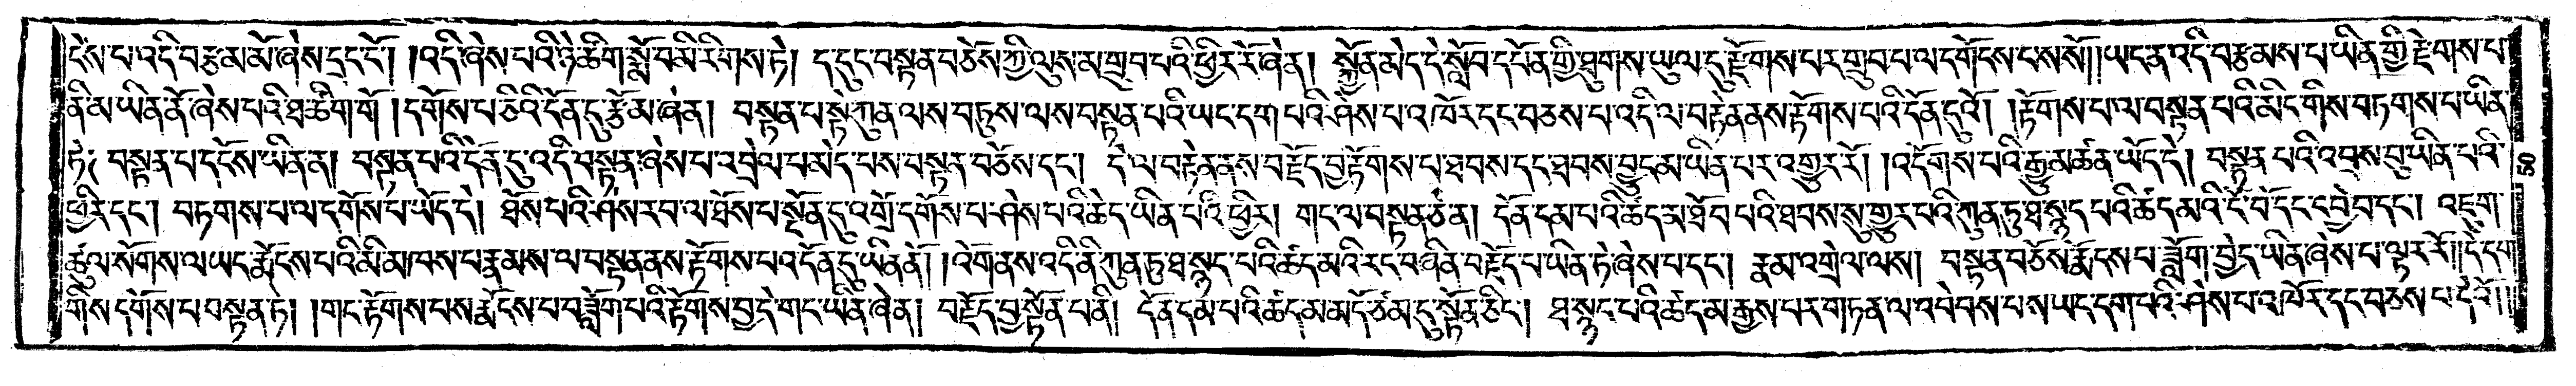ངེས་པ་འདི་བརྩམ་མོ་ཞེས་དྲང་ངོ། །འདི་ཞེས་པའི་ཉེ་ཚིག་སྨོ་བ་མི་རིགས་ཏེ། ད་དུང་བསྟན་བཅོས་ཀྱི་ལུས་མ་གྲུབ་པའི་ཕྱིར་རོ་ཞེ་ན། སྐྱོན་མེད་དེ་སློབ་དཔོན་གྱི་ཐུགས་ཡུལ་དུ་རྫོགས་པར་གྲུབ་པ་ལ་དགོངས་པས་སོ། །ཡང་ན་འདི་བརྩམས་པ་ཡིན་གྱི་རྫེགས་པ་
ནི་མ་ཡིན་ནོ་ཞེས་པའི་ཐ་ཚིག་གོ །དགོས་པ་ཅིའི་དོན་དུ་རྩོམ་ཞེ་ན། བསྟན་པ་སྟེ་ཀུན་ལས་བཏུས་ལས་བསྟན་པའི་ཡང་དག་པའི་ཤེས་པ་འཁོར་བ་དང་བཅས་པ་འདི་ལ་བརྟེན་ནས་རྟོགས་པའི་དོན་དུའོ། །རྟོགས་པ་ལ་བསྟན་པའི་མིང་གིས་བཏགས་པ་ཡིན་
ཏེ། བསྟན་པ་དངོས་ཡིན་ན། བསྟན་པའི་དོན་དུ་འདི་བསྟན་ཞེས་པ་འབྲེལ་པ་མེད་པས་བསྟན་བཅོས་དང་། དེ་ལ་བརྟེན་ནས་བརྗོད་བྱ་རྟོགས་པ་ཐབས་དང་ཐབས་བྱུང་མ་ཡིན་པར་འགྱུར་རོ། །འདོགས་པའི་རྒྱུ་མཚན་ཡོད་དེ། བསྟན་པའི་འབྲས་བུ་ཡིན་པའི་
ཕྱིར་དང་། བཏགས་པ་ལ་དགོས་པ་ཡོད་དེ། ཐོས་པའི་ཤེས་རབ་ལ་ཐོས་པ་སྔོན་དུ་འགྲོ་དགོས་པ་ཤེས་པའི་ཆེད་ཡིན་པའི་ཕྱིར། གང་ལ་བསྟན་ཙ་ན། དོན་དམ་པའི་ཚད་མ་ཐོབ་པའི་ཐབས་སུ་གྱུར་པའི་ཀུན་ཏུ་ཐ་སྙད་པའི་ཚད་མའི་ངོ་བོ་དང་དབྱེ་བ་དང་། འཇུག་
ཚུལ་སོགས་ལ་ཡང་རྨོངས་པའི་མི་མཁས་པ་རྣམས་ལ་བསྟན་ནས་རྟོགས་པའི་དོན་དུ་ཡིན་ནོ། །འོག་ནས་འདི་ནི་ཀུན་ཏུ་ཐ་སྙད་པའི་ཚད་མའི་རང་བཞིན་བརྗོད་པ་ཡིན་ཏེ་ཞེས་པ་དང་། རྣམ་འགྲེལ་ལས། བསྟན་བཅོས་རྨོངས་པ་ཟློག་བྱེད་ཡིན་ཞེས་པ་ལྟར་རོ། །དེ་དག་
གིས་དགོས་པ་བསྟན་ཏེ། །གང་རྟོགས་པས་རྨོངས་པ་བཟློག་པའི་རྟོགས་བྱ་དེ་གང་ཡིན་ཞེ་ན། བརྗོད་བྱ་སྟོན་པ་ནི། དོན་དམ་པའི་ཚད་མ་མདོ་ཙམ་དུ་སྟོན་ཅིང་། ཐ་སྙད་པའི་ཚད་མ་རྒྱས་པར་གཏན་ལ་འབེབས་པས་ཡང་དག་པའི་ཤེས་པ་འཁོར་དང་བཅས་པ་དེའོ།།